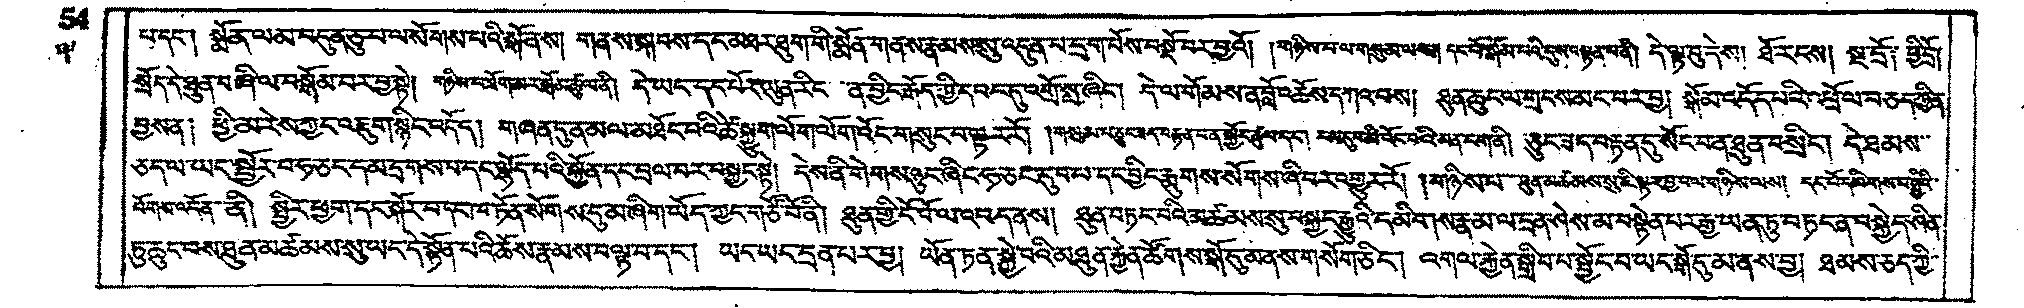པ་དང་། སྨོན་ལམ་བདུན་ཅུ་པ་ལ་སོགས་པའི་སྒོ་ནས། གནས་སྐབས་དང་མཐར་ཐུག་གི་སྨོན་གནས་རྣམས་སུ་འདུན་པ་དྲག་པོས་བསྔོ་བར་བྱའོ། ། གཉིས་པ་ལ་གསུམ་ལས། དང་པོ་སྒོམ་པའི་དུས་བསྟན་པ་ནི། དེ་ལྟ་བུ་དེས། ཐོ་རངས། སྔ་དྲོ༑ ཕྱི་དྲོ༑
སྲོད་དེ་ཐུན་བཞི་ལ་བསྒོམ་པར་བྱ་སྟེ། གཉིས་པ་ཐོག་མར་སྒོམ་ཚུལ་ནི། དེ་ཡང་དང་པོར་ཡུན་རིངྣ་བྱིང་རྒོད་ཀྱི་དབང་དུ་འགྲོ་སླ་ཞིང་། དེ་ལ་གོམས་ན་བློ་འཆོས་དཀའ་བས། ཐུན་ཆུང་ལ་གྲངས་མང་བར་བྱ། སྒོམ་འདོད་པའི་འཕྲོ་ལ་བཅད་ཀྱིན་
བྱས་ན། ཕྱི་མ་རེས་ཀྱང་འཇུག་སྙིང་འདོད། གཞན་དུ་ན་མལ་མཐོང་བའི་ཚེ་སྐྱུག་ལོག་ལོག་འོང་གསུང་བ་ལྟར་རོ། ། གསུམ་པ་ཅུང་ཟད་བརྟན་པ་ན་སྐྱོང་ཚུལ་དང་། ངལ་དུབ་མི་འོང་བའི་མན་ངག་ནི། ཅུང་ཟད་བརྟན་དུ་སོང་བ་ན་ཐུན་བསྲིང་། དེ་ཐམས་
ཅད་ལ་ཡང་སྦྱོར་བ་ཧ་ཅང་དམ་དྲགས་པ་དང་ལྷོད་པའི་སྐྱོན་དང་བྲལ་བར་བསྐྱང་སྟེ། དེས་ནི་གེགས་ཉུང་ཞིང་ཧ་ཅང་དུབ་པ་དང་བྱིང་རྨུགས་སོགས་ཞི་བར་འགྱུར་རོ། །གཉིས་པཐུན་མཚམས་སུ་ཇི་ལྟར་བྱ་བ་ལ་གཉིས་ལས། དང་པོ་དམིགས་པ་སྤྱིའི
བོགས་འདོནནི། སྤྱིར་ཕྱག་དང་སྐོར་བ་དང་ཁ་ཏོན་སོགས་དུ་མ་ཞིག་ཡོད་ཀྱང་གཙོ་བོ་ནི། ཐུན་གྱི་ངོ་བོ་ལ་འབད་ནས། ཐུན་བཏང་བའི་མཚམས་སུ་བསྐྱང་རྒྱུའི་དམིགས་རྣམ་ལ་དྲན་ཤེས་མ་བསྟེན་པར་རྒྱ་ཡན་ཏུ་བཏང་ན་བསྐྱེད་ཤིན་
ཏུ་ཆུང་བས་ཐུན་མཚམས་སུ་ཡང་དེ་སྟོན་པའི་ཆོས་རྣམས་བལྟ་བ་དང་། ཡང་ཡང་དྲན་པར་བྱ། ཡོན་ཏན་སྐྱེ་བའི་མཐུན་རྐྱེན་ཚོགས་སྒོ་དུ་མ་ནས་གསོག་ཅིང་། འགལ་རྐྱེན་སྒྲིབ་པ་སྦྱོང་བ་ཡང་སྒོ་དུ་མ་ནས་བྱ། ཐམས་ཅད་ཀྱི་